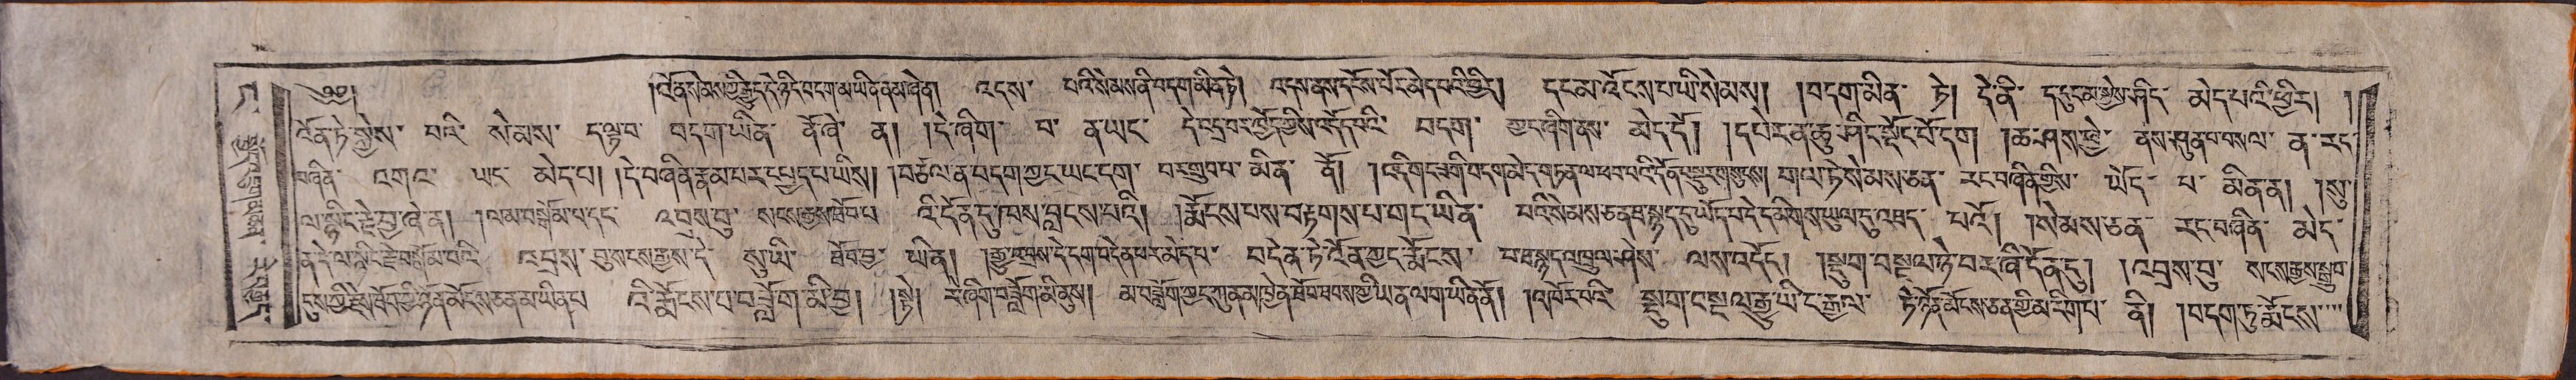༄༅། །འོ་ན་སེམས་ཀྱི་རྒྱུད་དེ་ཉིད་བདག་མ་ཡིན་ནམ་ཞེ་ན། འདས་པའི་སེམས་ནི་བདག་མིན་ཏེ། འདས་ནས་དངོས་པོར་མེད་པའི་ཕྱིར།  དང་མ་འོངས་པ་ཡི་སེམས། །བདག་མིན་ཏེ། དེ་ནི་ད་དུང་མ་སྐྱེས་ཤིང་མེད་པའི་ཕྱིར། །
འོན་ཏེ་སྐྱེས་པའི་སེམས་ད་ལྟ་བ་བདག་ཡིན་ནོ་ཞེ་ན། །དེ་ཞིག་པ་ན་ཡང་དེ་འདྲ་བར་ཁྱོད་ཀྱིས་འདོད་པའི་བདག་ཀྱང་ཞིག་ནས་མེད་དོ། །དཔེར་ན་ཆུ་ཤིང་སྡོང་པོ་དག །ཆ་ཤས་ཕྱེ་ནས་ཤུན་པ་བསལ་ན་རང་
བཞིན་འགའ་ཡང་མེད་པ། །དེ་བཞིན་རྣམ་པར་དཔྱད་པ་ཡིས། །བཙལ་ན་བདག་ཀྱང་ཡང་དག་པར་གྲུབ་པ་མིན་ནོ། །འདི་གང་ཟིག་བདག་མེད་གཏན་ལ་ཕབ་པའི་དོན་བསྡུར་གསུངས།  གལ་ཏེ་སེམས་ཅན་རང་བཞིན་གྱིས་ཡོད་པ་མིན་ན། །སུ་
ལ་སྙིང་རྗེ་བྱ་ཞེ་ན། །ལམ་བསྒོམ་པ་དང་འབྲས་བུ་སངས་རྒྱས་ཐོབ་པའི་དོན་དུ་ཁས་བླངས་པའི། །རྨོངས་པས་བརྟགས་པ་གང་ཡིན་པའི་སེམས་ཅན་ཐ་སྙད་དུ་ཡོད་པ་དེ་དམིགས་ཡུལ་དུ་འཐད་པའོ། །སེམས་ཅན་རང་བཞིན་མེད་
ན་དེ་ལ་སྙིང་རྗེ་བསྒོམ་པའི་འབྲས་བུ་སངས་རྒྱས་དེ་སུ་ཡི་ཐོབ་བྱ་ཡིན། །རྒྱུ་འབྲས་དེ་དག་བདེན་པར་མེད་པ་བདེན་ཏེ་འོན་ཀྱང་རྨོངས་པ་ཐ་སྙད་འཁྲུལ་ཤེས་ལས་འདོད། །སྡུག་བསྔལ་ཉེ་བར་ཞི་དོན་དུ། །འབྲས་བུ་སངས་རྒྱས་སྒྲུབ་
དུས་ཀྱི་རྗེས་ཐོབ་ཀྱི་ཉོན་མོངས་ཅན་མ་ཡིན་པའི་རྨོངས་པ་བཟློག་མི་བྱ། །སྟེ། རེ་ཞིག་བཟློག་མི་ནུས། མ་བཟློག་ཀྱང་ཀུན་མཁྱེན་ཐོབ་ཐབས་ཀྱི་ཡན་ལག་ཡིན་ནོ། །འཁོར་བའི་སྡུག་བསྔལ་རྒྱུ་ཡི་ང་རྒྱལ་ཏེ་ཉོན་མོངས་ཅན་གྱི་མ་རིག་པ་ནི། །བདག་ཏུ་རྨོངས་